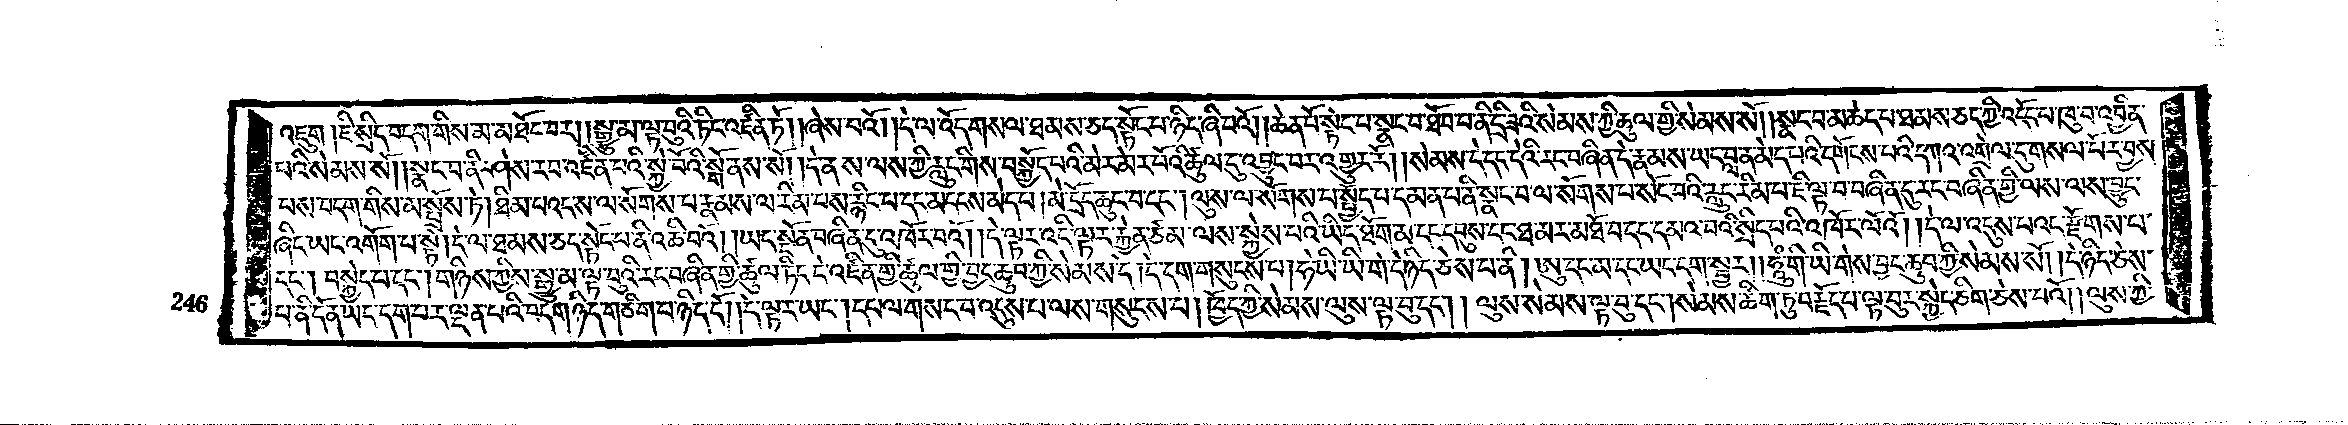འཇུག །ཇི་སྲིད་བདག་གིས་མ་མཐོང་བར། །སྒྱུ་མ་ལྟ་བུའི་ཏིང་འཛིན་ཏོ། །ཞེས་པའོ། །དེ་ལ་འོད་གསལ་ཐམས་ཅད་སྟོང་པ་ཉིད་ཞི་བའོ། །ཆེན་པོ་སྟོང་པ་སྣང་བ་ཐོབ་པ་ནི་དྲི་ཟའི་སེམས་ཀྱི་ཚུལ་གྱི་སེམས་སོ། །སྣང་བ་མཆེད་པ་ཐམས་ཅད་ཀྱི་འདོད་པ་ཁུ་བ་འབྱིན་
པའི་སེམས་སོ། །སྣང་བ་ནི་ཤེས་རབ་འཛིན་པའི་སྐྱེ་བོའི་སྒོ་ནས་སོ། །དེ་ནས་ལས་ཀྱི་རླུང་གིས་བསྐྱོད་པའི་མེར་མེར་པོའི་ཚུལ་དུ་འབྱུང་བར་འགྱུར་རོ། །སེམས་དེ་དང་དེའི་རང་བཞིན་དེ་རྣམས་ཡང་བླ་ན་མེད་པའི་དགོངས་པའི་དཀའ་འགྲེལ་དུ་གསལ་པོར་བྱས་
པས་བདག་གིས་མ་སྤྲོས་ཏེ། ཐིམ་པའང་ས་ལ་སོགས་པ་རྣམས་ལ་རིམ་པས་རྙིང་པ་དང་མདངས་མེད་པ། མེ་དྲོད་ཆུང་བ་དང་། ལུས་ལ་སོགས་པ་སྤྱོད་པ་དམན་པ་ནི་སྣང་བ་ལ་སོགས་པ་སོང་བའི་རླུང་རིམ་པ་ཇི་ལྟ་བ་བཞིན་དུ་རང་བཞིན་གྱི་ལས་ལས་བྱུང་
ཞིང་ཡང་འགོག་པ་སྟེ། དེ་ལ་ཐམས་ཅད་སྟོང་པ་ནི་འཆི་བའོ། །ཡང་སྔོན་བཞིན་དུ་འཁོར་བའོ། །དེ་ལྟར་འདི་ལྟར་རྐྱེན་ཙམ་ལས་སྐྱེས་པའི་ཡིད་ཐོག་མ་དང་དབུས་དང་ཐ་མར་མཐོ་བ་དང་དམའ་བའི་སྲིད་པའི་འཁོར་ལོའོ། །དེ་ལ་འདུས་པའང་རྫོགས་པ་
དང་། བསྐྱེད་པ་དང་། གཉིས་ཀྱིས་སྒྱུ་མ་ལྟ་བུའི་རང་བཞིན་གྱི་ཚུལ་ཏིང་ངེ་འཛིན་གྱི་ཚུལ་གྱི་བྱང་ཆུབ་ཀྱི་སེམས་དེ། དེ་དག་གསུངས་པ། ཧེ་ཡི་ཡི་གེ་དེ་ཉིད་ཅེས་པ་ནི། ཨུ་དང་མ་དང་ཡང་དག་སྦྱར། །ཧཱུཾ་གི་ཡི་གེས་བྱང་ཆུབ་ཀྱི་སེམས་སོ། །དེ་ཉིད་ཅེས་
པ་ནི་དོན་ཡང་དག་པར་ལྡན་པའི་བདག་ཉིད་གཅིག་པ་ཉིད་དོ། །དེ་ལྟར་ཡང་། དཔལ་གསང་བ་འདུས་པ་ལས་གསུངས་པ། ཁྱོད་ཀྱི་སེམས་ལུས་ལྟ་བུ་དང་། །ལུས་སེམས་ལྟ་བུ་དང་། སེམས་ཚིག་ཏུ་བརྗོད་པ་ལྟ་བུར་སྐྱེད་ཅིག་ཅེས་པའོ། །ལུས་ཀྱི་